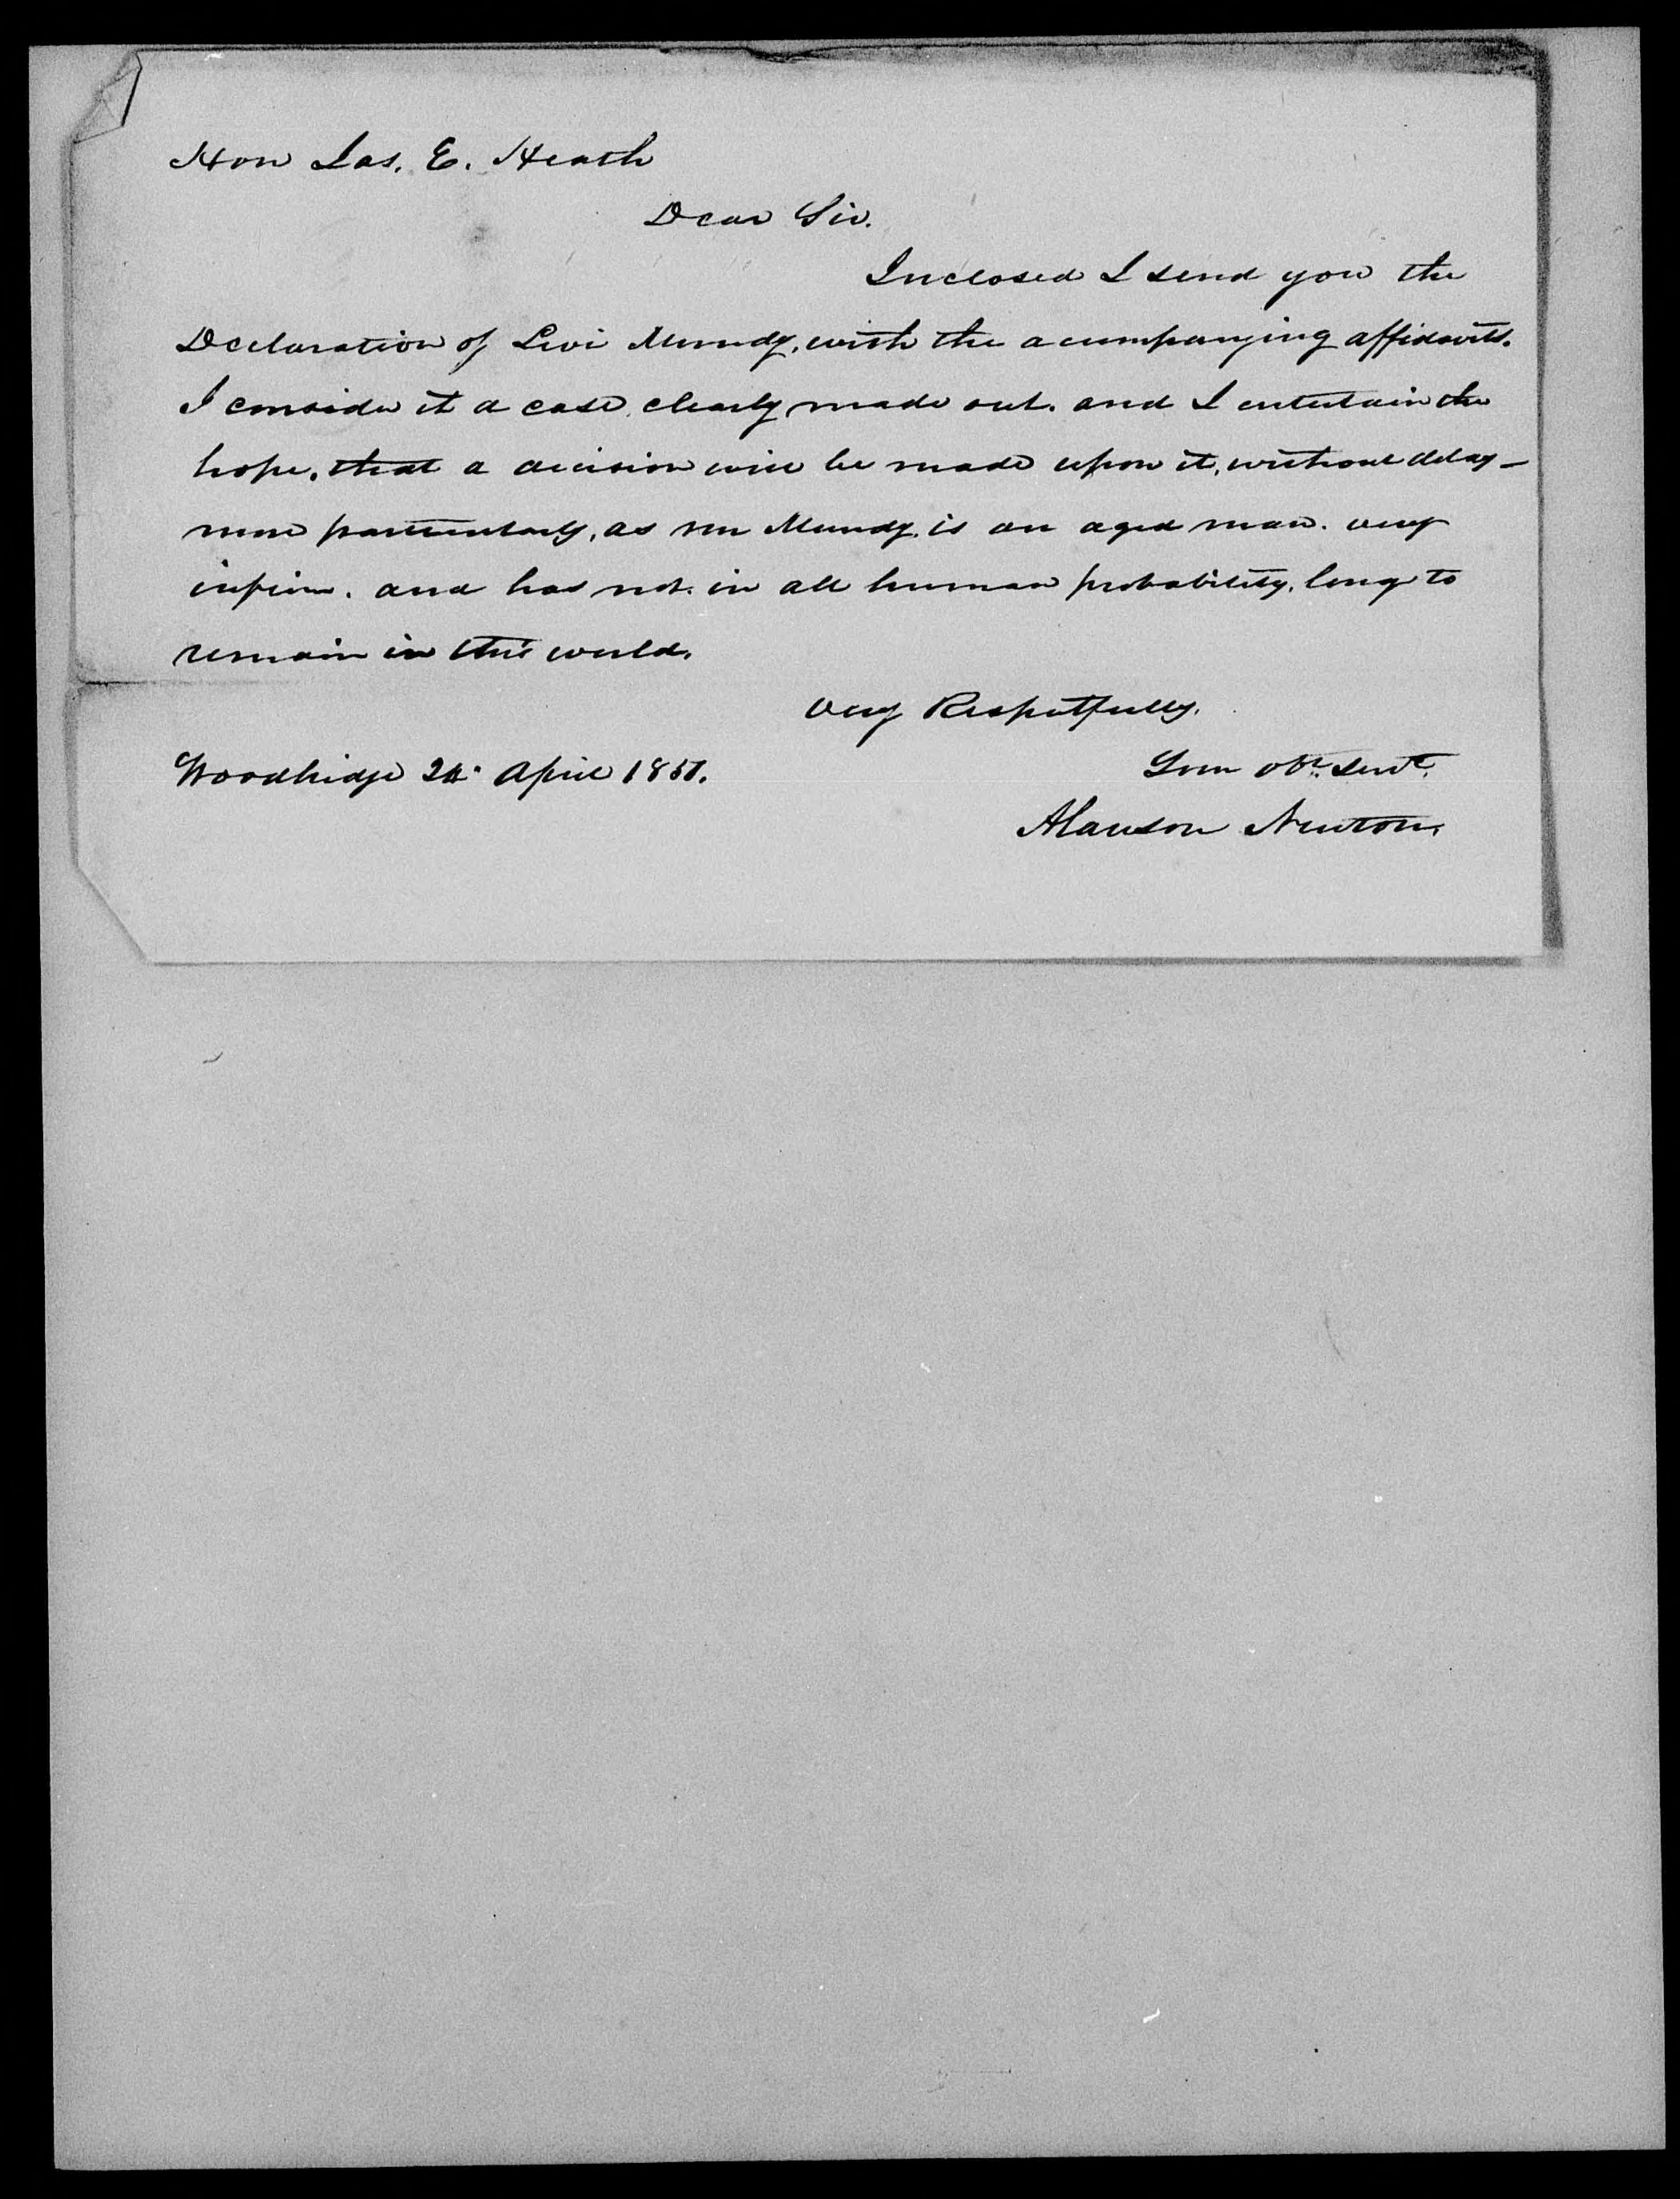Hon Jas. E. Heath

Dear Sir,

Enclosed I send you the declaration of Levi Mundy with the accompanying affidavits. I consider it a case clearly made out and I entertain the hope, that a decision will be made upon it, without delay.

More particularly, as the Mundy is an aged man, very infirm and has not in all human probability, long to remain in this world.

Very respectfully your obe(dient) ser(vant),
s/ Alanson Newton

Woodridge, 24 April 1857.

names: Jas E Heath; Levi Mundy; Alanson Newton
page: 87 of 95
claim: survivor's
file: S 2889, for Levi Mundy, New Jersey